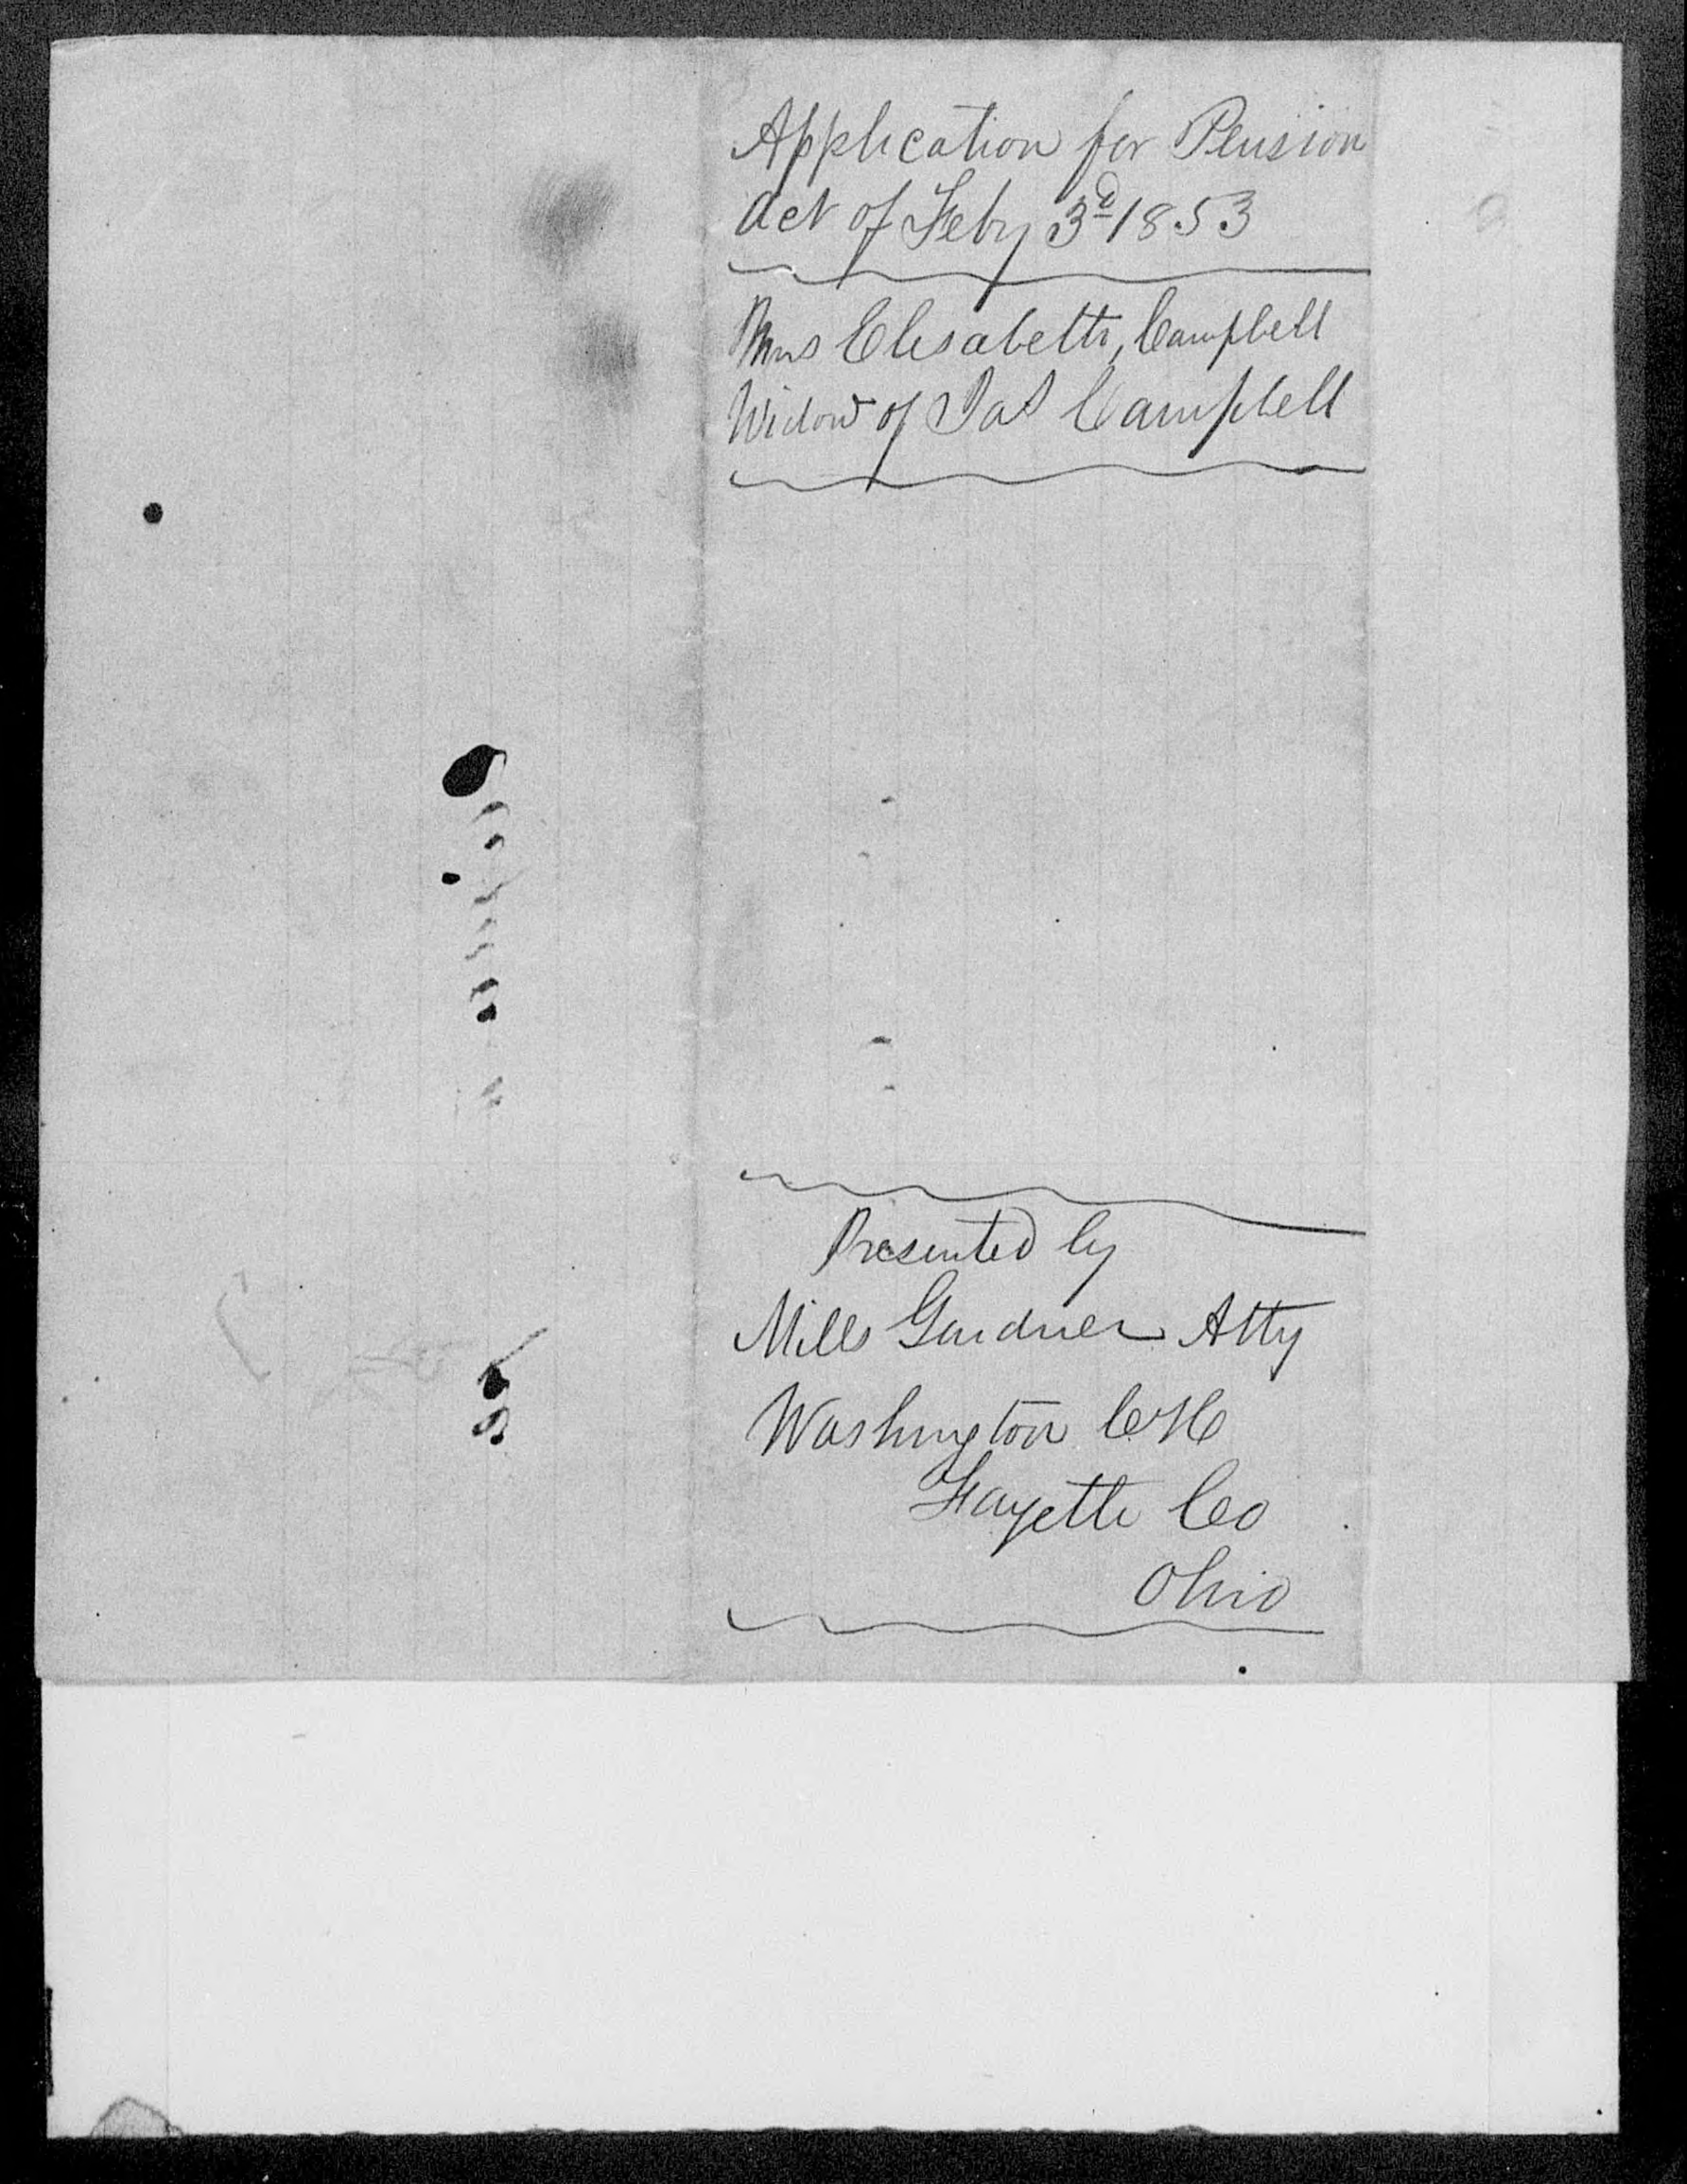Application for Pension
Act of Feby 3d- 1853
Mrs. Elisabeth, Campbell
Widow of Jas Campbell
Presented by Mills Gardner Atty
Washington C H
Fayette Co
Ohio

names: Jas Campbell, Mills Gardner, Elisabeth Campbell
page: 11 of 47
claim: widow's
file: W. 25384, James Campbell, Va.